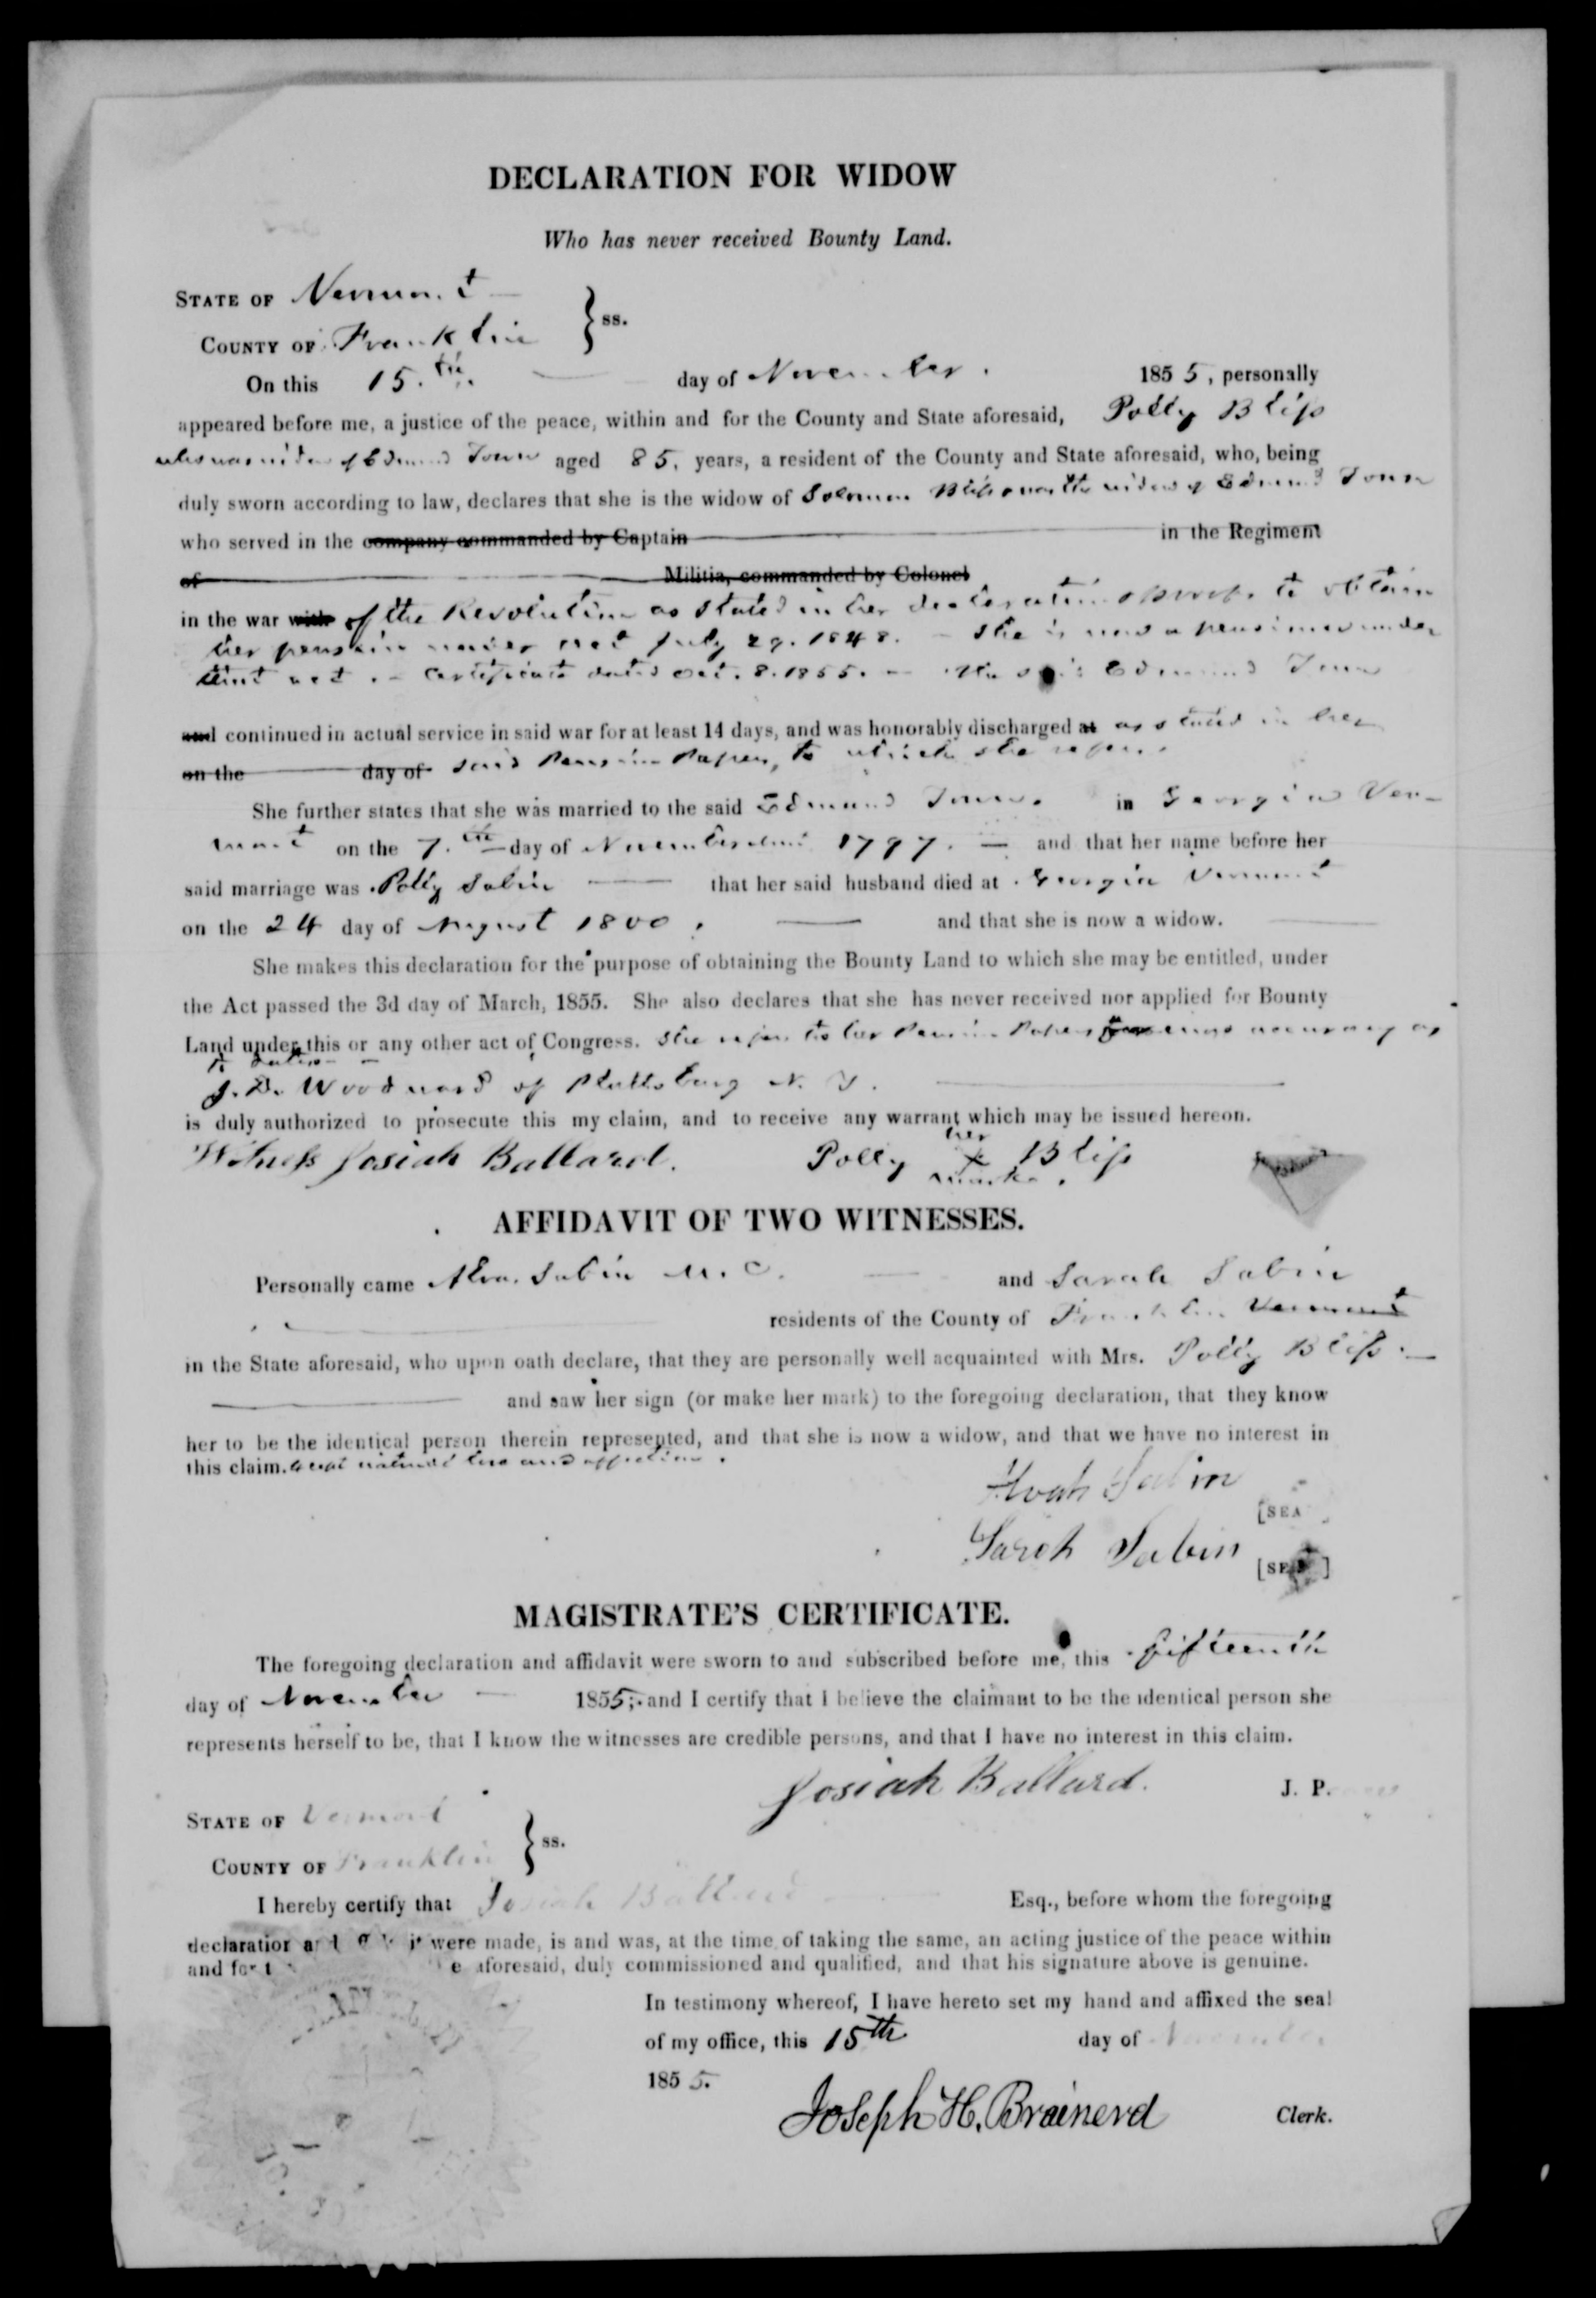DECLARATION FOR WIDOW
Who has never received Bounty Land

State of Vermont
County of Franklin SS
On this 15th day of November 1855, personally appeared before me a justice of the peace, within and for the County aforesaid, Polly Bliss who was widow of Edmund Town, aged 85 years, a resident of the County and State aforesaid, who being duly sworn according to law, declares that she is the widow of Solomon Bliss and the widow of Edmund Town who served in the (company commanded by Captain......in the Regiment of ......Militia, commanded by Colonel--crossed out)
in the war of the Revolution as stated in her declaration (illegible) to obtain her pension under act July 29, 1848. She is now a pensioner 
under (illegible) act. Certificate dated Oct. 8, 1855. The said Edmund Town continued in actual service in said war for at least 14 days and was honorably discharged as stated in her said pension papers, to which she refers.
She further states that she was married to the said Edmund Town in Georgia Vermont on the 7th day of November 1797. and that her name before said marriage was Polly Sabin. That her said husband died at Georgia Vermont on the 24 day of August 1800, and that she is now a widow.
She makes this declaration for the purpose obtaining the Bounty land to which she may be entitled under the Act passes the 3d day of march 1855. She also declares that she has never received nor applied for Bounty Land under this or any other act of Congress. She refers to her pension papers for (illegible) J. D. Woodward of Plattsburg N. Y. is duly authorized to prosecute this my claim, and to received any warrant which may be issued hereon.
Witness Josiah Ballard
Polly   X   Bliss
 her mark

AFFIDAVIT OF TWO WITNESSES
Personally came Alva Sabin M. C. and Sarah Sabin residents of the County of Franklin, Vermont in the State aforesaid, who upon oath declare, that they are personally well acquainted with Mrs. Polly Bliss and saw her sign (or make her mark) to the foregoing declaration, that they know her to be the identical person therein represented and that she is now a widow, and that we have no interest in this claim except natural love and affections.
Alvah Sabin [seal]
Sarah Sabin [seal]

MAGISTRATE'S CERTIFICATE
the foregoing declaration and affidavit were sworn to and subscribed before me this fifteenth day of November 1855; and I certify that I believed the claimant to be the identical person she represents herself to be, that I know the witnesses are credible persons, and that I have no interest in this claim.
Josiah Ballard, J. P. 

State of Vermont
County of Franklin, ss
I hereby certify that Josiah Ballard Esq. before whom the foregoing declarations (covered over by seal) were made, is and was, at the time of taking the same, an acting justice of the peace within and for (covered over by seal)
aforesaid, duly commissioned and qualified and that his signature above is genuine.
(Seal)  In testimony whereof, I have hereto set my hand and affixed the seal of my office this 15th day of November 1855.
Joseph H. Brainerd, Clerk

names: Edmund Town, Edmund Town, Polly Bliss, Polly Sabin, Josiah Ballard, Solomon Bliss, Sarah Sabin, Josiah Ballard, Alva Sabin, Polly Bliss, J D Woodward, Edmund Town, Josiah Ballard, Edmund Town, Joseph H Brainerd, Alvah Sabin, Sarah Sabin, Polly Bliss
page: 5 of 64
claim: widow's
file: W. 5831, Edmund Town, Mass.